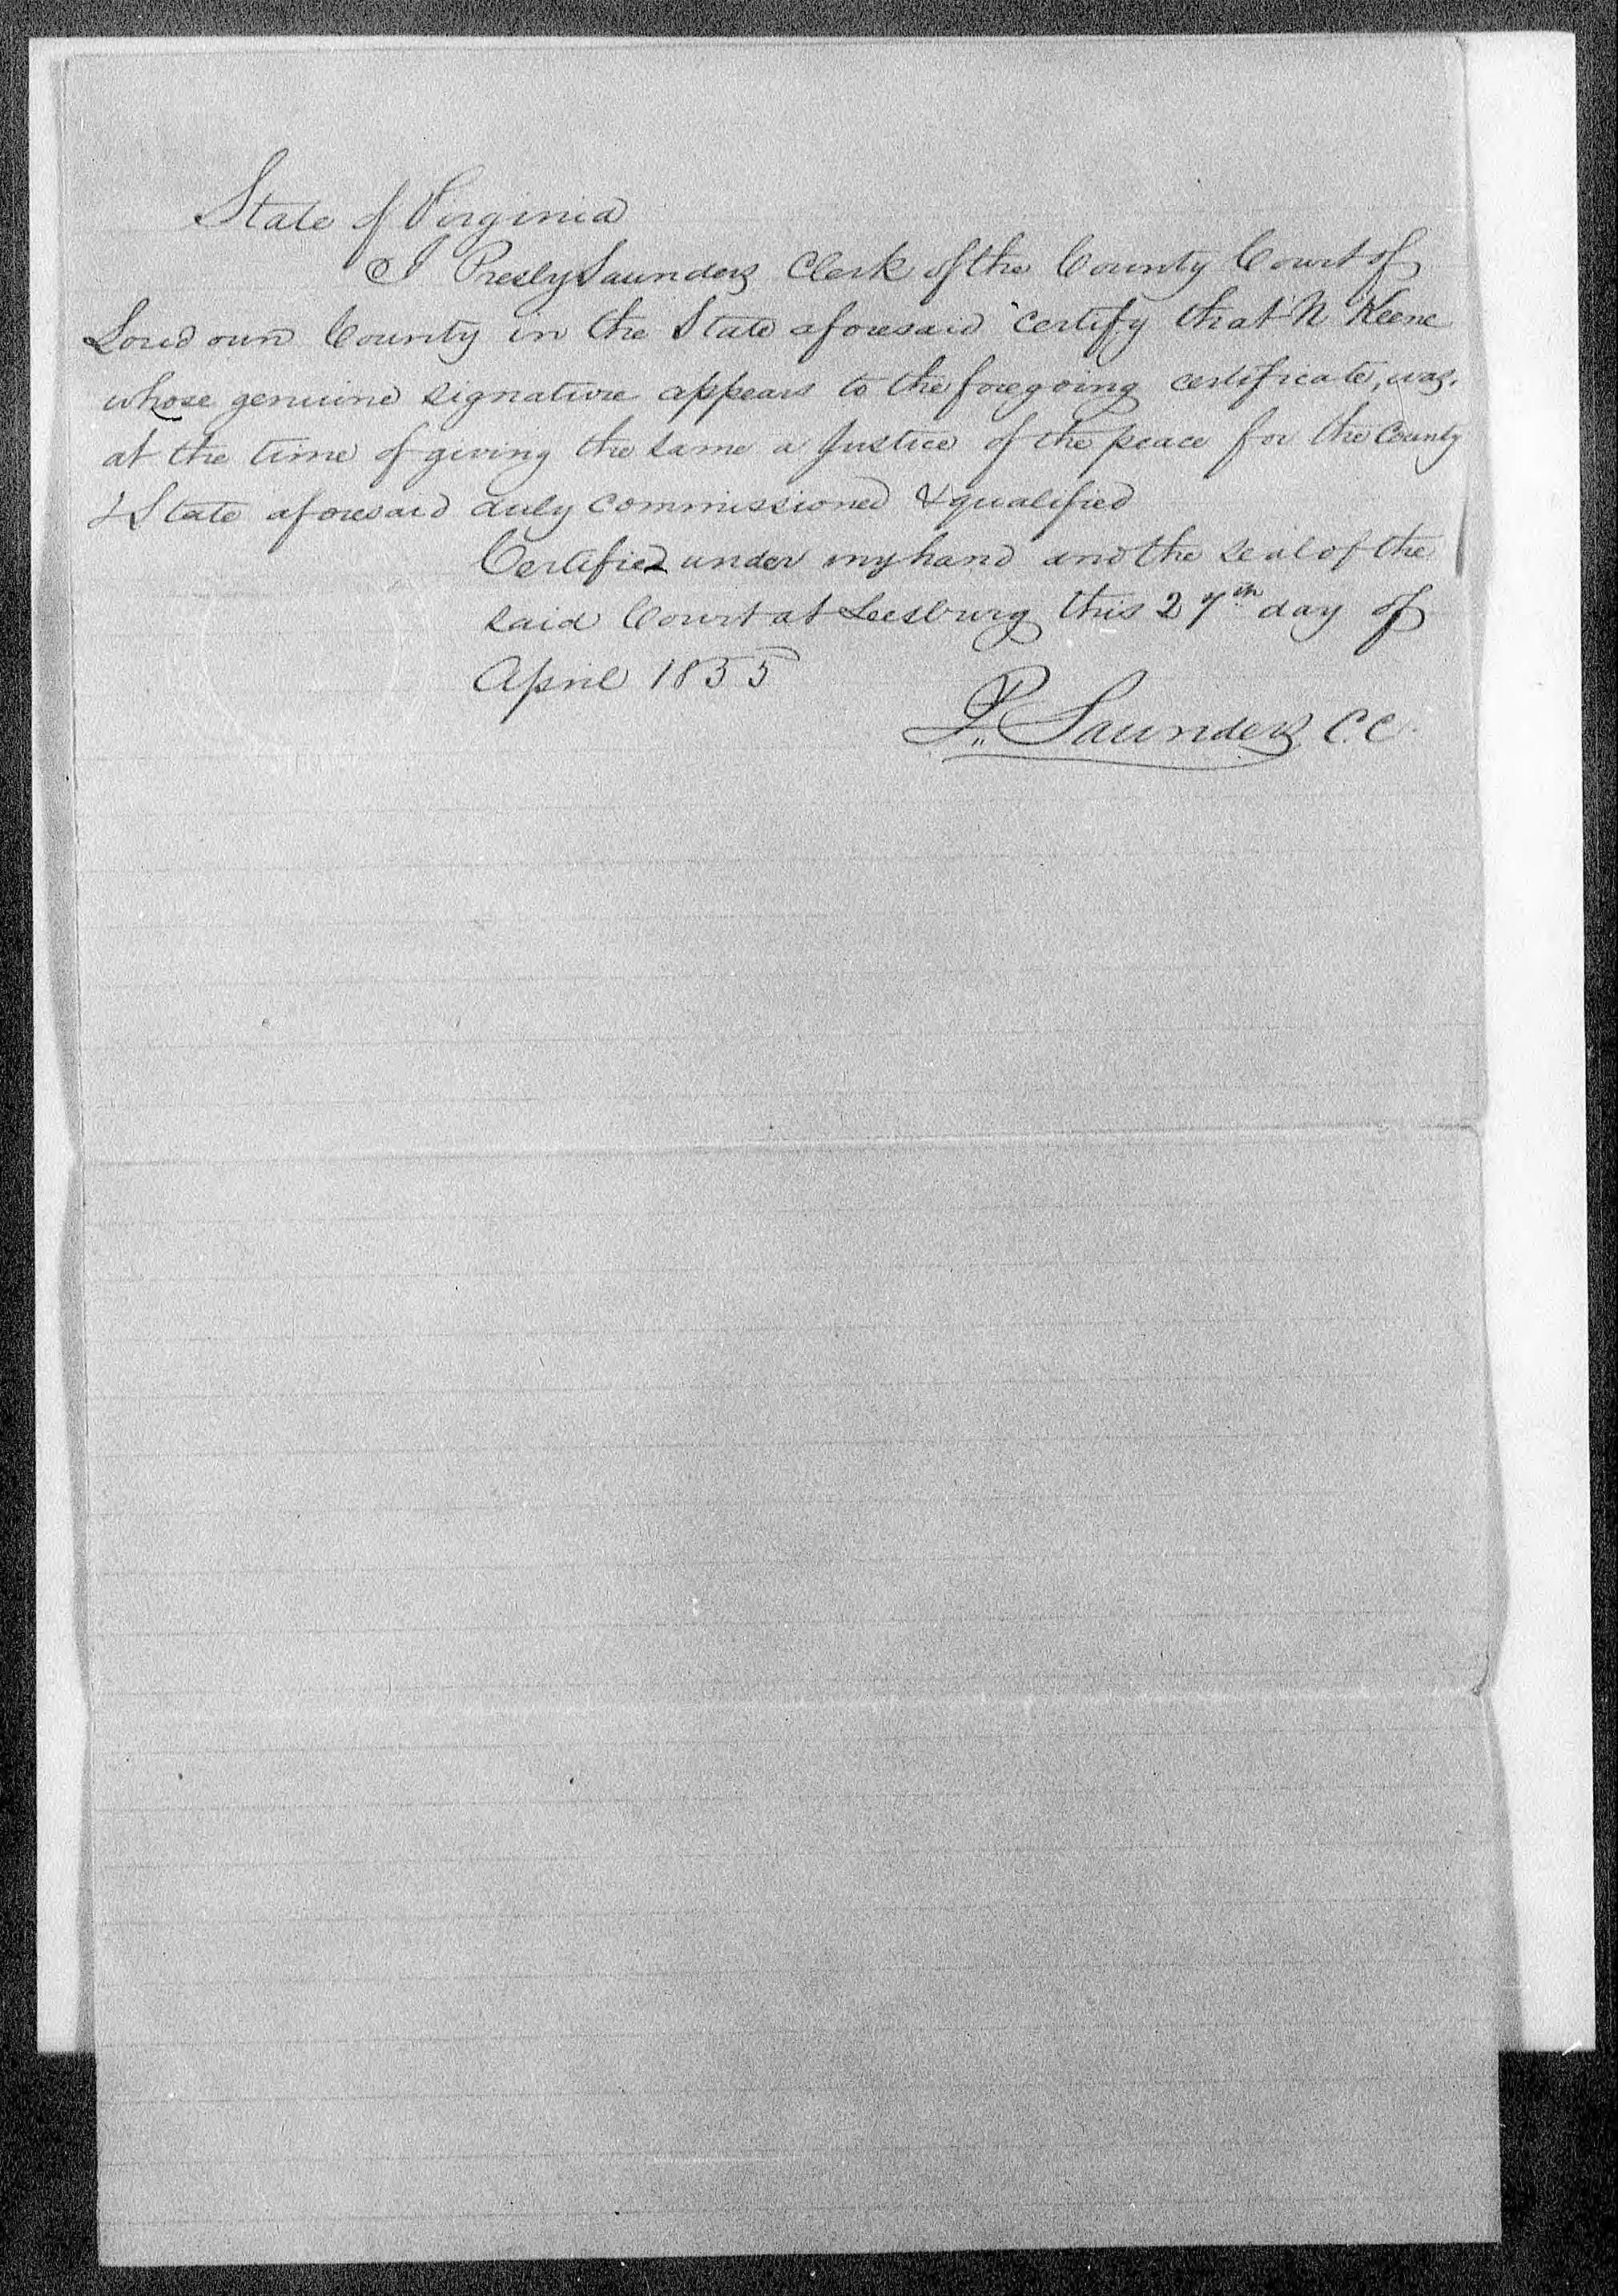State of Virginia
I Presly Saunders, Clerk of the County Court of Loudoun County in the State aforesaid certify that N Keene whose genuine signature appears to the foregoing certificate, was at the time of giving the same a Justice of the peace for the county + state aforesaid duly commissioned + qualified
Certified under my hand and the seal of the said court of Leesburg, this 27th day of April 1855
P. Saunders, C.C.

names: N Keene; Presly Saunders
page: 8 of 39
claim: widow's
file: W 6292, for William Jones, Maryland